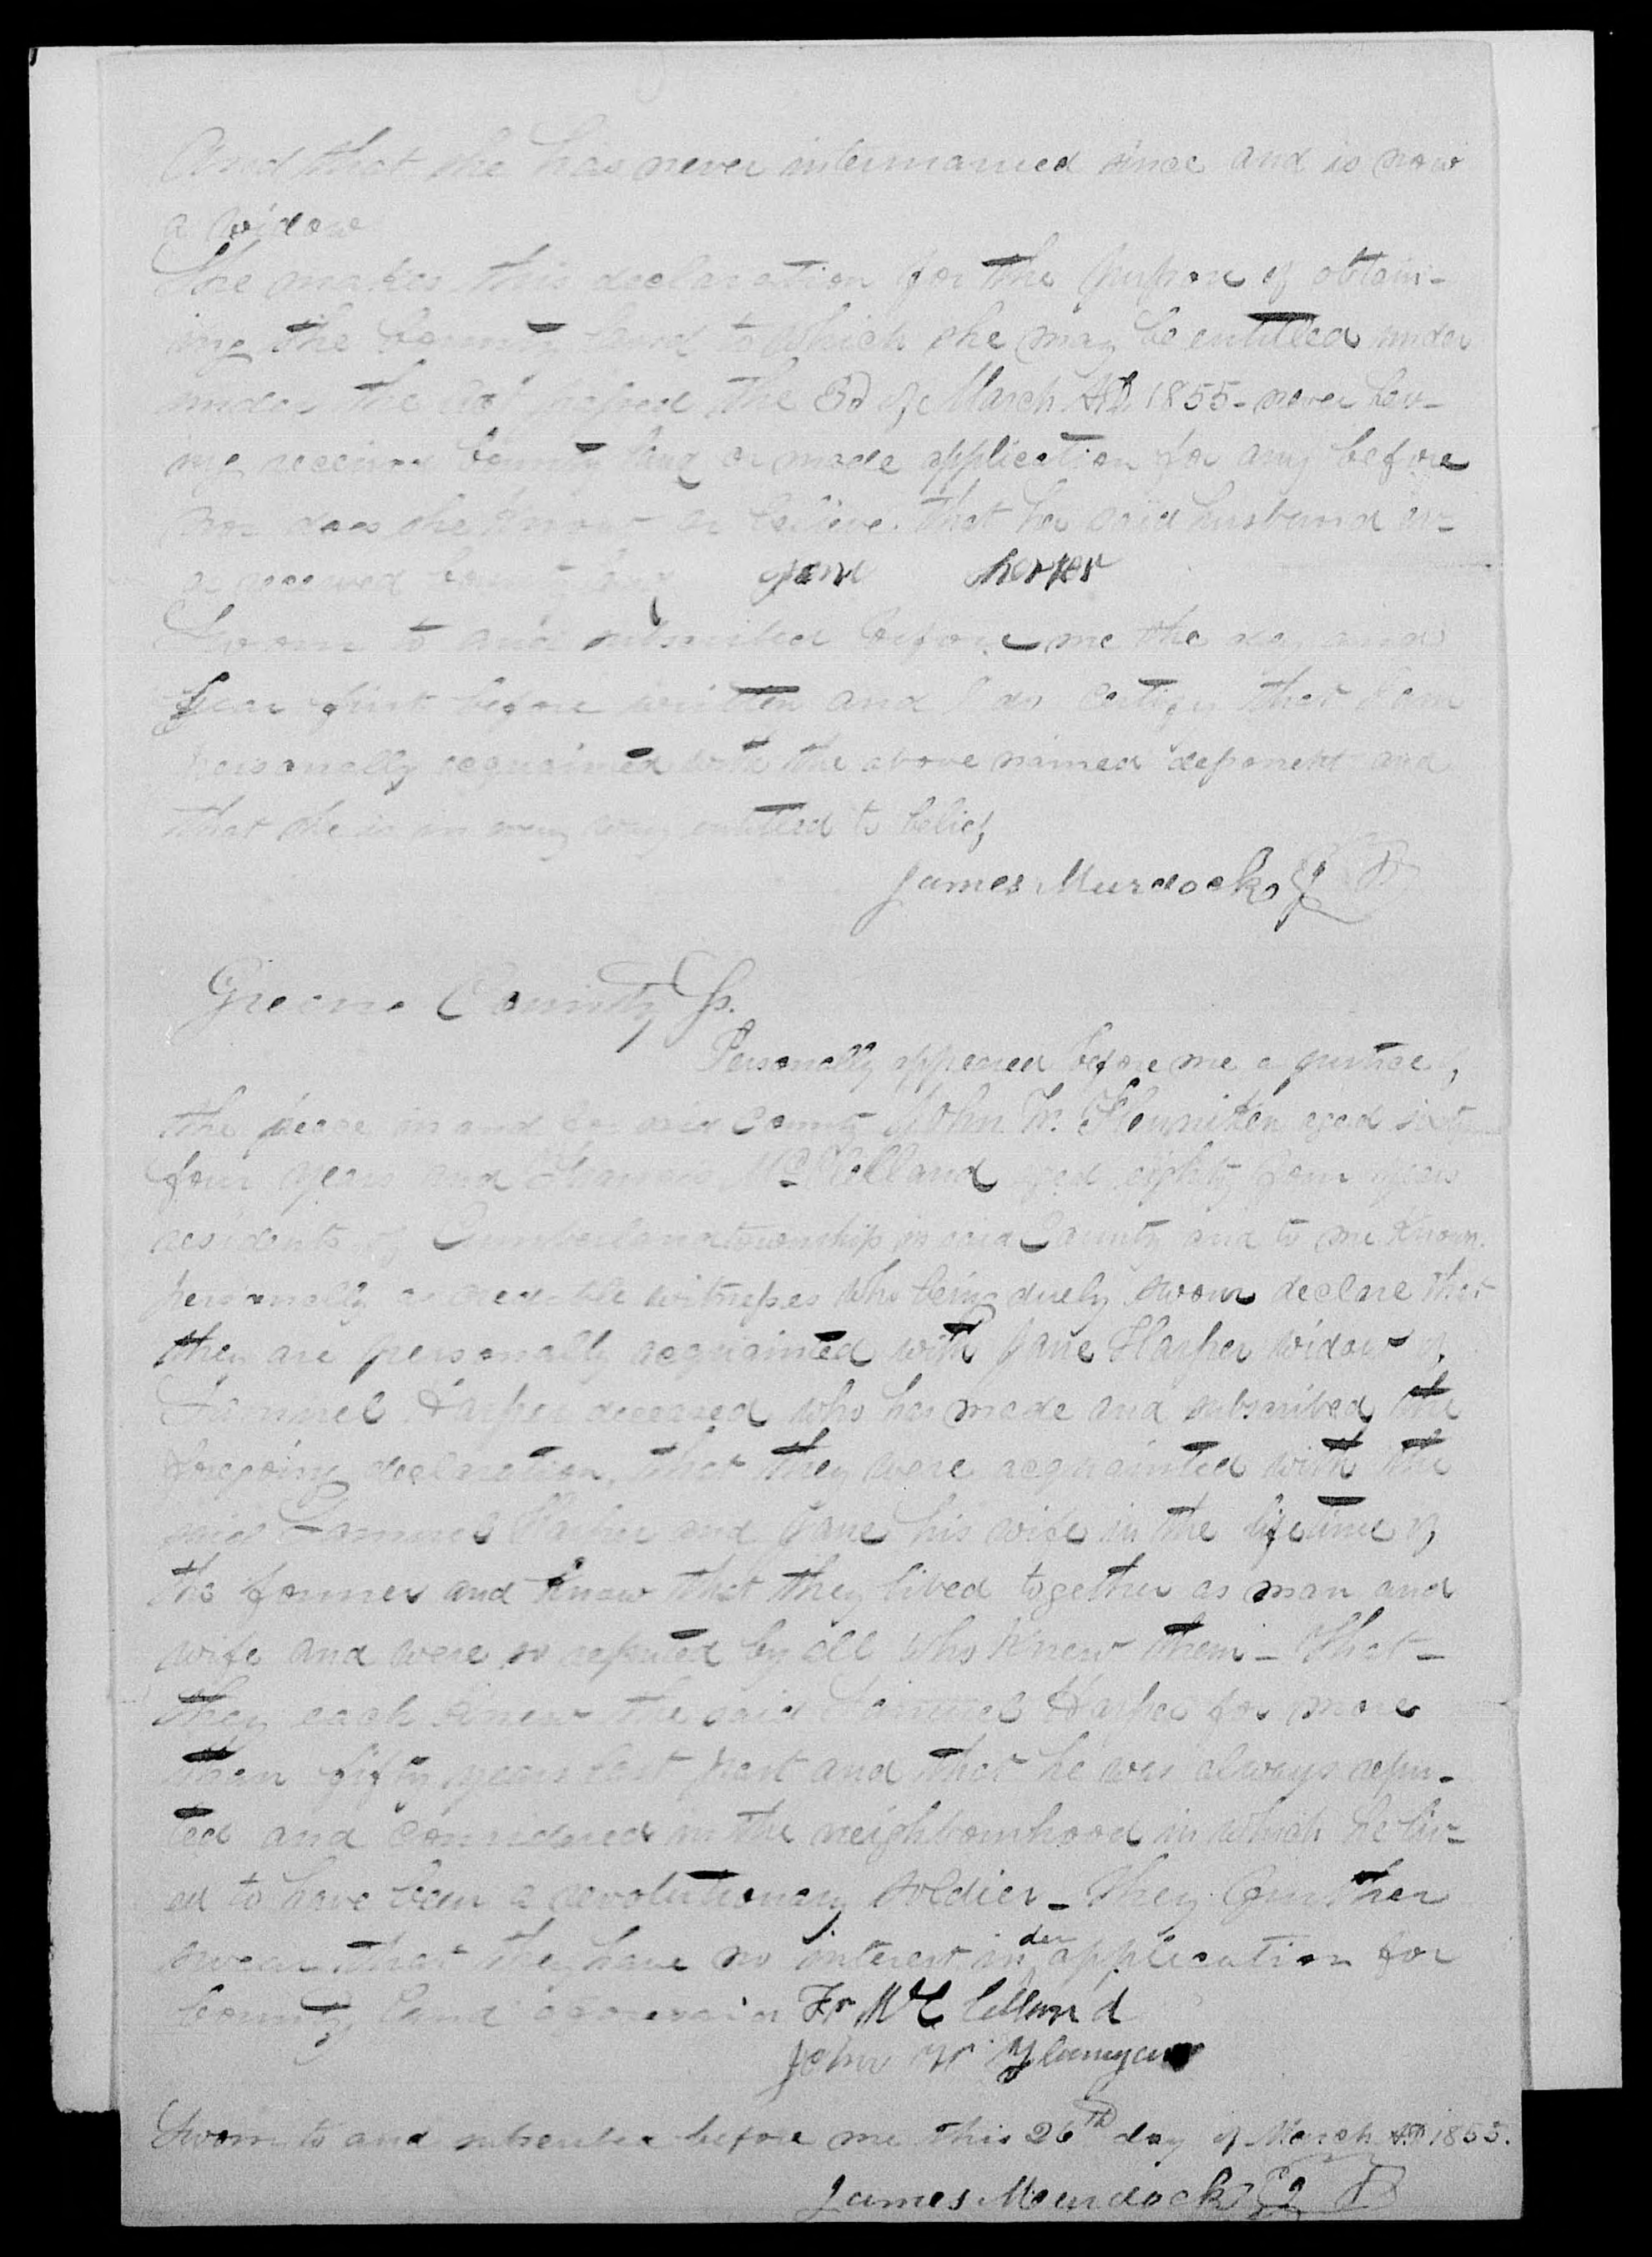and that she has never intermarried since and is now a Widow
She makes this declaration for the purpose of obtaining the bounty land to which she may be entitled under
under the Act passed the 3d of March A.D. 1855 never having received bounty land or made application for any before
Nor does she know or believe that her said husband received bounty land
Jane Harper
Sworn to and subscribed before me the day and year first before written and I certify that am personally acquainted with the above named deponent and
that she is in any way entitled to belief
James Murdock JP
Greene County ss.
Personally appeared before me a Justice
the peace in and for said County John W. Flenniken aged sixty four years and Francis McClelland eighty four years
residents of Cumberland township in said County and to me known
personally as credible witnesses who being duly sworn declare that
they are personally acquainted with Jane Harper Widow of
Samuel Harper deceased who has made and subscribed the
foregoing declaration, that they were acquainted with the
said Samuel Harper and Jane his wife in the lifetime of
former and know that they lived together as man and
wife and were so reputed by all who knew them - That they each knew the said Samuel Harper for more than
fifty years last part and that he was always reputed and considered in the neighborhood in which he lived to have been a revolutionary soldier. They further swear that the have no interest in application for
County land aforesaid
F McClelland
John W Flennigan
Sworn to and repented before me this 26th day of March AD 1855.
James Murdock [seal]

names: Jane Harper, Samuel Harper, Samuel Harper, Samuel Harper, Francis Mc Lelland, John W Ylanigan, Fr Mc Lelland, John W Flenniken, James Murdock, James Murdock, Jane Harper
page: 67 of 81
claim: survivor's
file: S. 1908, Richard Harper, N.C.